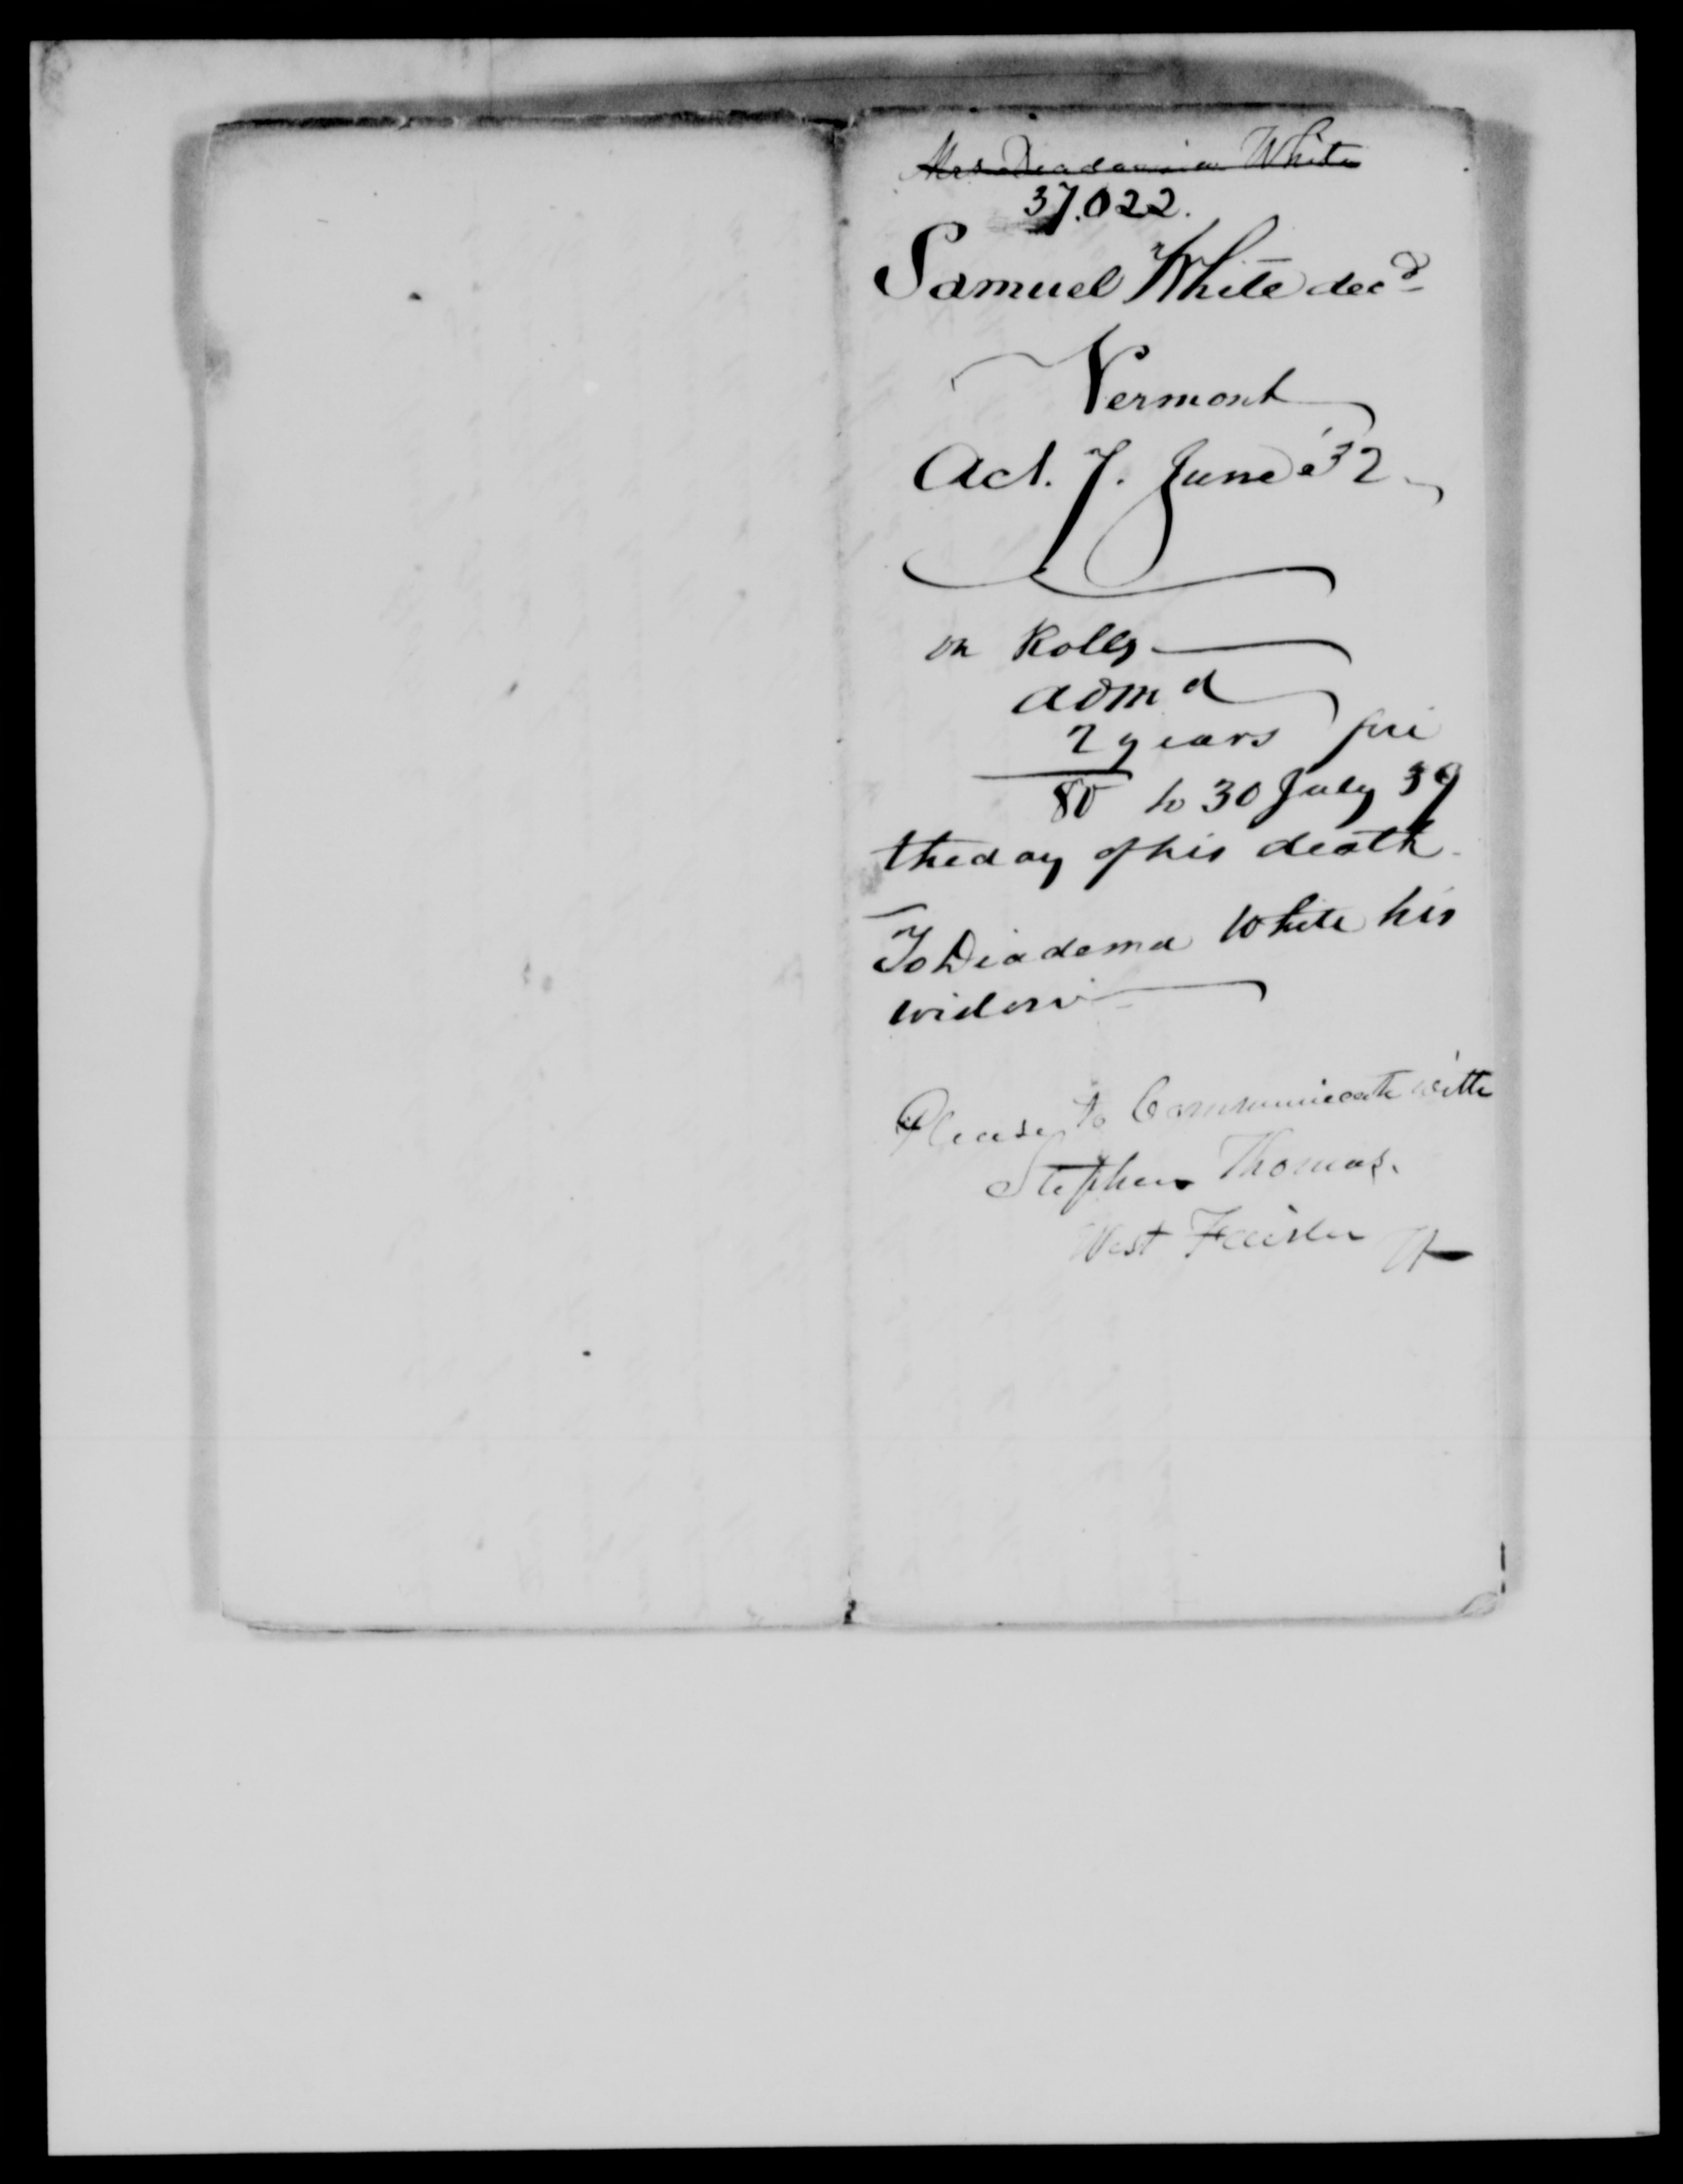37.022
Samuel White decd.
Vermont
Act 7 June '32
in rolls
admd 2 years pri
80 to 30 July 39
the day of his death
To Diadama White his widow

Please to Communicate with Stephen Thomas
West Fairlee Vt.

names: Samuel White, Stephen Thomas, Diadama White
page: 60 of 79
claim: survivor's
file: S. 11759, Samuel White, Mass.